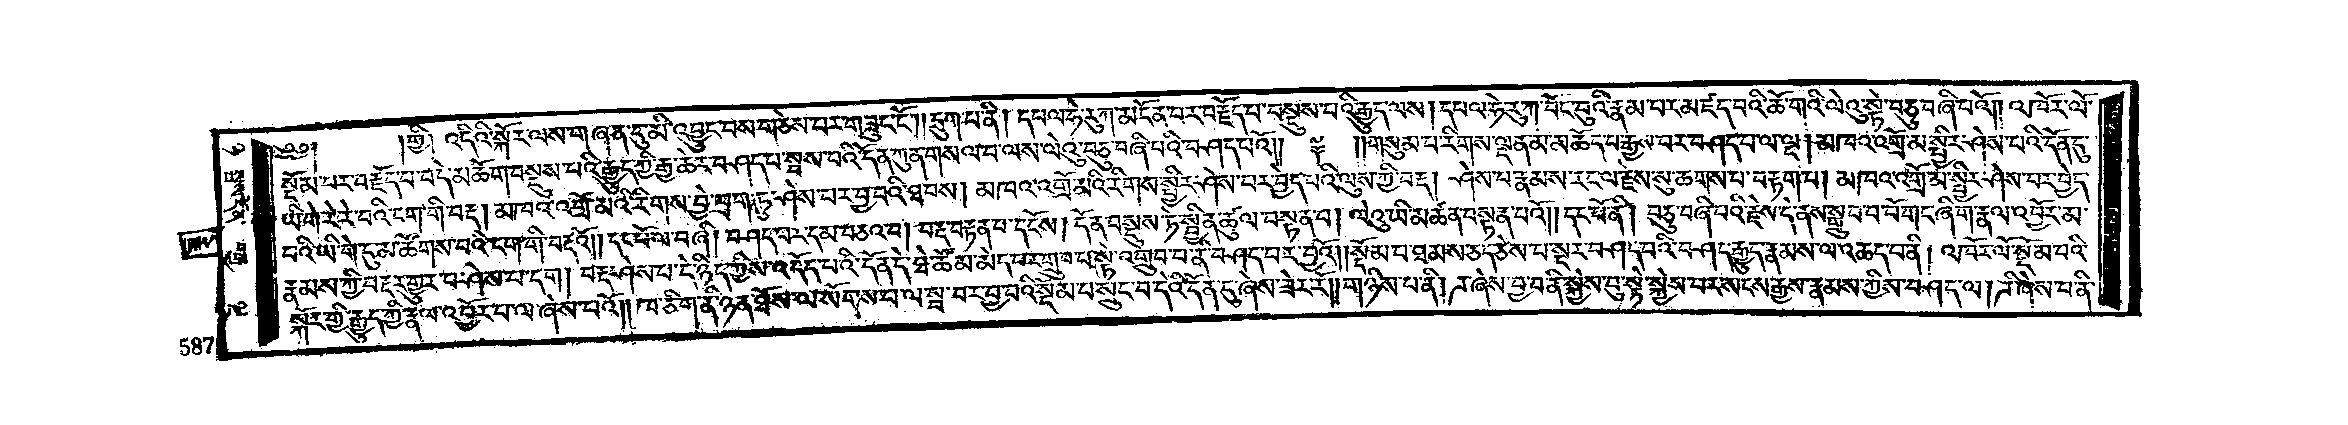༄༅། །གྱི། འདིའི་སྐོར་ལས་གཞན་དུ་མི་འབྱུང་བས་གཅེས་པར་གཟུང་ངོ། །དྲུག་པ་ནི། དཔལ་ཧེ་རུ་ཀ་མངོན་པར་བརྗོད་པ་བསྡུས་པའི་རྒྱུད་ལས། དཔལ་ཧེ་རུ་ཀ་བོང་བུའི་རྣམ་པར་མཛད་པའི་ཆོ་གའི་ལེའུ་སྟེ་བཅུ་བཞི་པའོ། །འཁོར་ལོ་
སྡོམ་པར་བརྗོད་པ་བདེ་མཆོག་བསྡུས་པའི་རྒྱུད་ཀྱི་རྒྱ་ཆེར་བཤད་པ་སྦས་པའི་དོན་ཀུན་གསལ་བ་ལས་ལེའུ་བཅུ་བཞི་བའི་བཤད་པའོ།། ༈ །།གསུམ་པ་རིགས་ལྡན་མ་མཆོད་པ་རྒྱས་པར་བཤད་པ་ལ་ལྔ། མཁའ་འགྲོ་མ་སྤྱིར་ཤེས་པའི་དོན་དུ་
ཡི་གེ་རེ་རེ་བའི་ངག་གི་བརྡ། མཁའ་འགྲོ་མའི་རིགས་བྱེ་བྲག་ཏུ་ཤེས་པར་བྱ་བའི་ཐབས། མཁའ་འགྲོ་མའི་རིགས་སྤྱིར་ཤེས་པར་བྱེད་པའི་ལུས་ཀྱི་བརྡ། ཤེས་པ་རྣམས་རང་ལ་རྗེས་སུ་ཆགས་པ་བརྟག་པ། མཁའ་འགྲོ་མ་སྤྱིར་ཤེས་པར་བྱེད་
པའི་ཡི་གེ་དུ་མ་ཚོགས་པའི་ངག་གི་བརྡའོ། །དང་པོ་ལ་བཞི། བཤད་པར་དམ་བཅའ་བ། བརྡ་བརྟན་པ་དངོས། དོན་བསྡུས་ཏེ་སྦྱིན་ཚུལ་བསྟན་པ། ལེའུ་ཡི་མཚན་བསྟན་པའོ། །དང་པོ་ནི། བཅུ་བཞི་པའི་རྗེས་དེ་ནས་སྒྲུབ་པ་པོ་གང་ཞིག་རྣལ་འབྱོར་མ་
རྣམས་ཀྱི་བརྡར་གྱུར་བ་ཤེས་པ་དག །བརྡ་ཤེས་པ་དེ་ཉིད་ཀྱིས་འདོད་པའི་དོན་དེ་ཐེ་ཚོམ་མེད་པར་གྲུབ་པ་སྟེ་འགྲུབ་པ་ནི་བཤད་པར་བྱའོ། །སྡོམ་པ་ཐམས་ཅད་ཅེས་པ་སྔར་བཤད་པའི་བཤད་རྒྱུད་རྣམས་ལ་འཆད་པ་ནི། འཁོར་ལོ་སྡོམ་པའི་
སྐོར་གྱི་རྒྱུད་ཀྱི་རྣལ་འབྱོར་པ་ལ་ཞེས་པའོ། །ཁ་ཅིག་ནི་ཉན་ཐོས་ལ་སོགས་པ་ལ་སྦ་བར་བྱ་བའི་སྡོམ་པ་སྲུང་བ་དེའི་དོན་དུ་ཞེས་ཟེར་རོ། །གཉིས་པ་ནི། ཌ་ཞེས་བྱ་བ་ནི་སྐྱེས་བུ་སྟེ་སྐྱེས་པར་སངས་རྒྱས་རྣམས་ཀྱིས་བཤད་ལ། ཌི་ཞེས་པ་ནི་